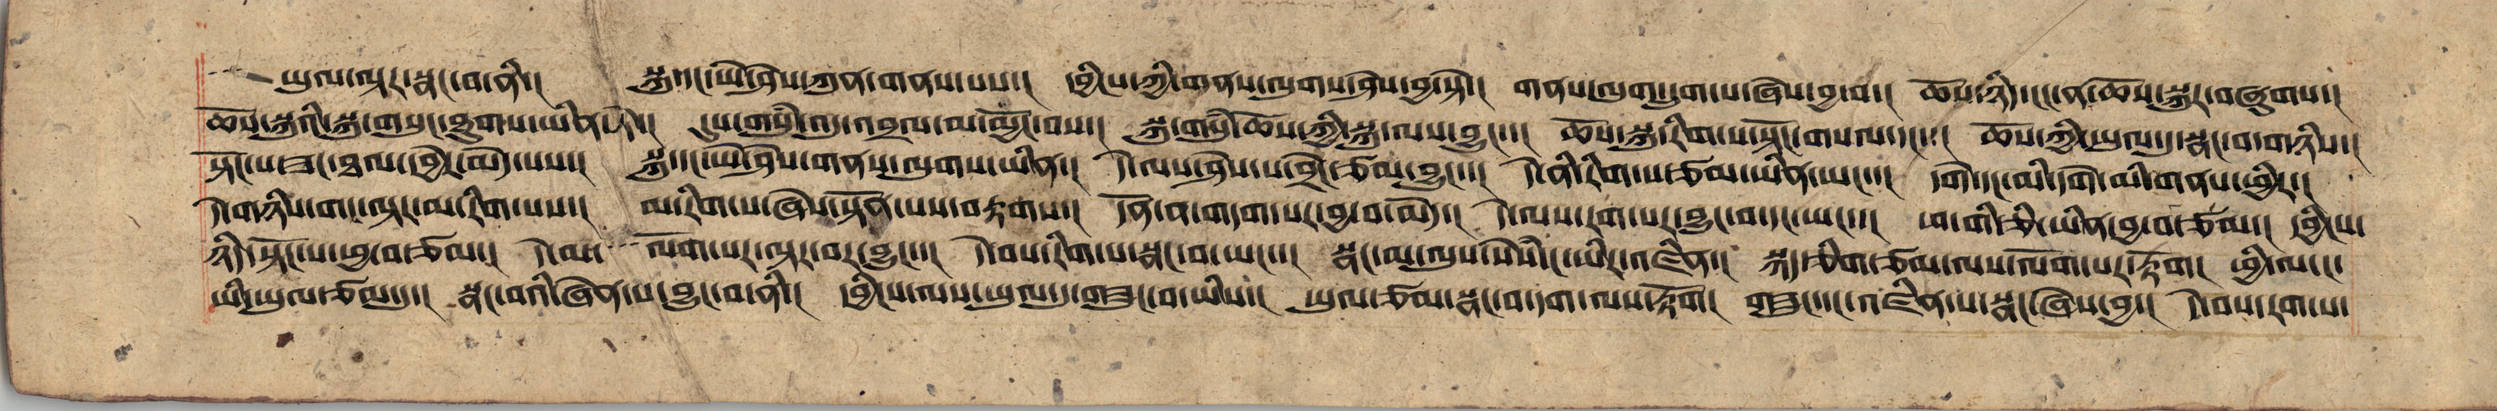ཡུལ་ལྟར་སྣང་བ་ནི་། སྐུ་དང་ཡེ་ཤེས་ཀུན་གནས་པས་། དབྱིངས་ཀྱི་གནས་ལུགས་ཤེས་བྱ་སྟེ་། གནས་ལུག་དྲུག་པ་ཞེས་བྱ་བ་། ཆོས་ཉིད་ངང་ན་ཆོས་སྐུར་བཞུགས་།
ཆོས་སྐུའི་སྐུ་གསུང་ཐུགས་ཡིན་ཏེ་། དུས་གསུཾ་འདུ་འབྲལ་མ་མྱོང་བས་། སྐུ་གསུཾ་ཆོས་ཀྱི་སྐུ་ལས་བྱུང་་། ཆོས་སྐུ་རིག་པ་སྟོང་གསལ་དང་་། ཆོས་ཀྱི་ཡུལ་དུ་སྣང་བ་གཉིས་།
སྟོང་པ་ཟང་ཐལ་དབྱེར་མེད་པས་། སྐུ་དང་ཡེ་ཤེས་གནས་ལུགས་ཡིན་། དེ་ལས་ཤེས་པ་བྲེང་ཙམ་བྱུང་་། དེ་ནི་རིག་པ་ཙམ་ཡིན་ཡང་་། དགེ་དང་མི་དགེ་མི་གནས་ཕྱིར་།
དེ་གཉིས་གང་ལྟར་མ་རིག་པས་། མ་རིག་པ་ཞེས་སྟོན་པས་བརྟགས་། དོན་ན་གདག་པར་བྱ་བ་མེད་། དེ་ལས་རག་པར་བྱུང་བ་དང་ཡང་་། ཕ་གི་ཅི་ཡིན་བྱ་བ་ཙམ་། དབྱིངས་
ཉིད་སྟོང་པ་ཕྱ་བ་ཙམ་། དེ་མ་ ལོག་པར་ལྟར་བར་བྱུང་་། དེ་བས་རིག་པ་སྣང་བ་ཡང་་། སྣང་མ་ལུས་སེཾས་ང་ཡིར་འཛིན་། སྐད་ཅིག་ཙམ་ལས་ལོག་པར་རྟོག། ཕྱི་ལ་ང་
ཡི་ཡུལ་ཙམ་དུ་། སྣང་བའི་ཞེན་པ་བྱུང་བ་ནི་། དབྱིངས་ལས་ཡུལ་དུ་གཟུང་བ་ཡིས་། ཡུལ་ཙམ་སྣང་བ་དག་ལས་རྟོག། གཟུང་དང་འཛིན་པ་སྣང་ཞེས་བྱ་། དེ་བས་རག་པ་